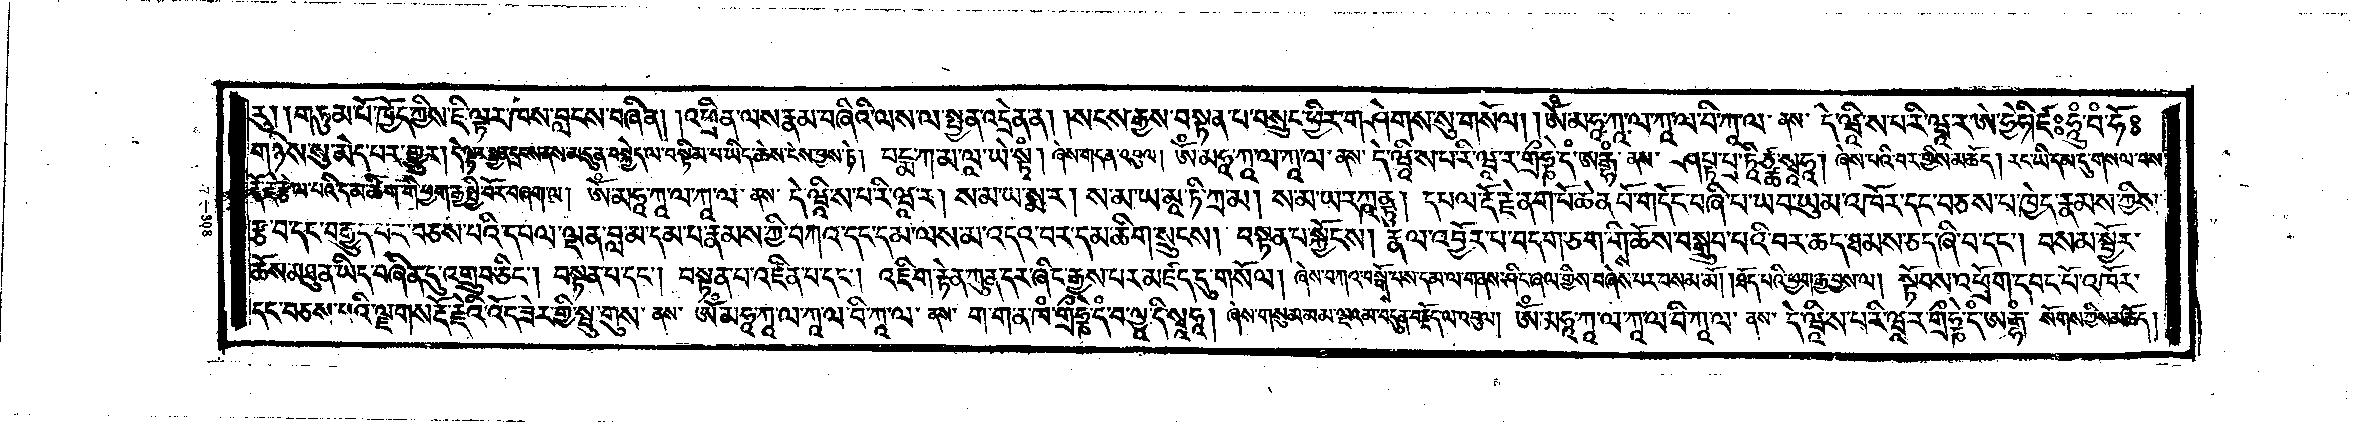རུ༑ ༑གཏུམ་པོ་ཁྱོད་ཀྱིས་ཇི་ལྟར་ཁས་བླངས་བཞིན། ། འཕྲིན་ལས་རྣམ་བཞིའི་ལས་ལ་སྤྱན་འདྲེན་ན། །སངས་རྒྱས་བསྟན་པ་བསྲུང་ཕྱིར་གཤེགས་སུ་གསོལ། །ཨོཾ་མཧཱ་ཀཱ་ལ་ཀཱ་ལ་བི་ཀཱ་ལ་ནས།  དེ་ཝཱི་ས་བ་རི་ཝཱ་ར་ཨེ་ཧྱེ་ཧི། ཛཿཧཱུཾ་བཾ་ཧོཿ
གཉིས་སུ་མེད་པར་གྱུར། དེ་ལྟར་སྤྱན་དྲངས་ནས་མདུན་བསྐྱེད་ལ་བསྟིམ་པ་ཡིད་ཆེས་ངེས་བྱས་ཏེ།  པདམ་ཀ་མ་ལཱ་ཡེ་སྟྭཾ། ཞེས་གདན་འབུལ།  ཨོཾ་མ་ཧཱ་ཀཱ་ལ་ཀཱ་ལ་ནས་དེ་ཝཱི་ས་པ་རི་ཝཱ་ར་གྲྀཧྞེ་དཾ་ཨ་རྒཧཾ་ནས་ཤཔྟ་པྲ་ཏཱི་ཙྪ་སྭཱཧཱ། ཞེས་པའི་བར་གྱིས་མཆོད། རང་ཡི་དམ་དུ་གསལ་པས་
རྡོ་རྗེ་རྩེ་ལྔ་པའི་དམ་ཚིག་གི་ཕྱག་རྒྱ་སྤྱི་བོར་བཞག་ལ། ཨོཾ་མཧཱ་ཀཱ་ལ་ཀཱ་ལ་ནས།  དེ་ཝཱིས་པ་རི་ཝཱ་ར། ས་མ་ཡ་སྨ་ར། ས་མ་ཡ་མཱ་ཏི་ཀྲ་མ། ས་མ་ར་རཀྵ་ནྟུ། དཔལ་རྡོ་རྗེ་ནག་པོ་ཆེན་པོ་གདོང་བཞི་པ་ཡབ་ཡུམ་འཁོར་དང་བཅས་པ་ཁྱེད་རྣམས་ཀྱིས་
རྩ་བ་དང་བརྒྱུད་པར་བཅས་པའི་དཔལ་ལྡན་བླ་མ་དམ་པ་རྣམས་ཀྱི་བཀའ་དང་དམ་ལས་མ་འདའ་བར་དམ་ཚིག་སྲུངས། བསྟན་པ་སྐྱོངས། རྣལ་འབྱོར་པ་བདག་ཅག་གིས་ཆོས་བསྒྲུབ་པའི་བར་ཆད་ཐམས་ཅད་ཞི་བ་དང་། བསམ་སྦྱོར་
ཆོས་མཐུན་ཡིད་བཞིན་དུ་འགྲུབ་ཅིང་། བསྟན་པ་དང་། བསྟན་པ་འཛིན་པ་དང་། འཇིག་རྟེན་ཀུན་དར་ཞིང་རྒྱས་པར་མཛད་དུ་གསོལ། ཞེས་བཀའ་བསྒོ་བས་དམ་ལ་གནས་ཤིང་ཞལ་གྱིས་བཞེས་པར་བསྡམ་མོ། །ཐོད་པའི་ཕྱག་རྒྱ་བྱས་ལ།  སྟོབས་འཕྲོག་དབང་པོ་འཁོར་
དང་བཅས་པའི་ལྗགས་རྡོ་རྗེའི་འོད་ཟེར་གྱི་སྤུ་གུས་ནས་ཨོཾ་མཧཱ་ཀཱ་ལ་ཀཱ་ལ་བི་ཀཱ་ལ་ནས་ག་ག་ན་ཁཾ་གྲྀཧྞེ་དཾ་བ་ལྱཱ་དི་སྭཱཧཱ། ཞེས་གསུམ་མམ་ལྔའམ་བདུན་བརྗོད་ལ་འབུལ་ཨོཾ་མཧཱ་ཀཱ་ལ་ཀཱ་ལ་བི་ཀཱ་ལ་ནས་དེ་ཝཱིས་པ་རི་ཝཱ་ར་གྲྀཧྞེ་དཾ་ཨརྒྷཾ། སོགས་ཀྱིས་མཆོད།